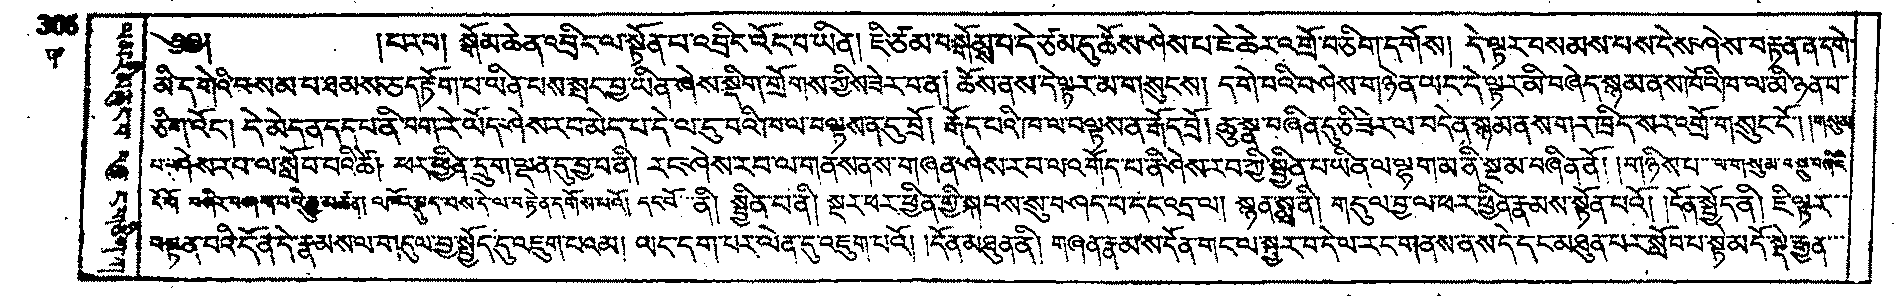༄༅། །པ་རབ། སྒོམ་ཆེན་འབྲིང་ལ་སྟོན་པ་འབྲིང་འོང་བ་ཡིན། ཇི་ཙམ་བསྒོམས་པ་དེ་ཙམ་དུ་ཆོས་ཤེས་པ་ཇེ་ཆེར་འགྲོ་བ་ཅིག་དགོས། དེ་ལྟར་བསམས་པས་ངེས་ཤེས་བརྟན་ན་དགེ་
མི་དགེའི་བསམ་པ་ཐམས་ཅད་རྟོག་པ་ཡིན་པས་སྤང་བྱ་ཡིན་ཞེས་སྡིག་གྲོགས་ཀྱིས་ཟེར་བ་ན། ཆོས་ནས་དེ་ལྟར་མ་གསུངས། དགེ་བའི་བཤེས་གཉེན་ཡང་དེ་ལྟར་མི་བཞེད་སྙམ་ནས་ཁོའི་ཁ་ལ་མི་ཉན་པ་
ཅིག་འོང་། དེ་མེད་ན་དད་པ་ནི་བག་རེ་ཡོད་ཤེས་རབ་མེད་པ་དེ་ལ་དུ་བའི་ཁ་ལ་བལྟས་ན་དུ་བྲོ། རྒོད་པའི་ཁ་ལ་བལྟས་ན་རྒོད་བྲོ། ཆུ་སྣ་བཞིན་དུ་ཅི་ཟེར་ལ་བདེན་སྙམ་ནས་གར་ཁྲིད་སར་འགྲོ་གསུང་ངོ། །གསུམ་
པཤེས་རབ་ལ་སློབ་པའི་ཚེ། ཕར་ཕྱིན་དྲུག་ལྡན་དུ་བྱ་བ་ནི། རང་ཤེས་རབ་ལ་གནས་ནས་གཞན་ཤེས་རབ་ལ་འགོད་པ་ནི་ཤེས་རབ་ཀྱི་སྦྱིན་པ་ཡིན་ལ་ལྷག་མ་ནི་སྔ་མ་བཞིན་ནོ། །གཉིས་པལ་གསུམ་བསྡུ་བཞིའི་
ངོ་བོ། བཞིར་བཞག་པའི་རྒྱུ་མཚན། འཁོར་སྡུད་བས་དེ་ལ་བརྟེན་དགོས་པའོ། དང་པོནི། སྦྱིན་པ་ནི། སྔར་ཕར་ཕྱིན་གྱི་སྐབས་སུ་བཤད་པ་དང་འདྲ་ལ། སྙན་སྨྲ་ནི། གདུལ་བྱ་ལ་ཕར་ཕྱིན་རྣམས་སྟོན་པའོ། །དོན་སྤྱོད་ནི། ཇི་ལྟར་
བསྟན་པའི་དོན་དེ་རྣམས་ལ་གདུལ་བྱ་སྤྱོད་དུ་འཇུག་པའམ། ཡང་དག་པར་ལེན་དུ་འཇུག་པའོ། །དོན་མཐུན་ནི། གཞན་རྣམས་དོན་གང་ལ་སྦྱར་བ་དེ་ལ་རང་གནས་ནས་དེ་དང་མཐུན་པར་སློབ་པ་སྟེ་མདོ་སྡེ་རྒྱན་